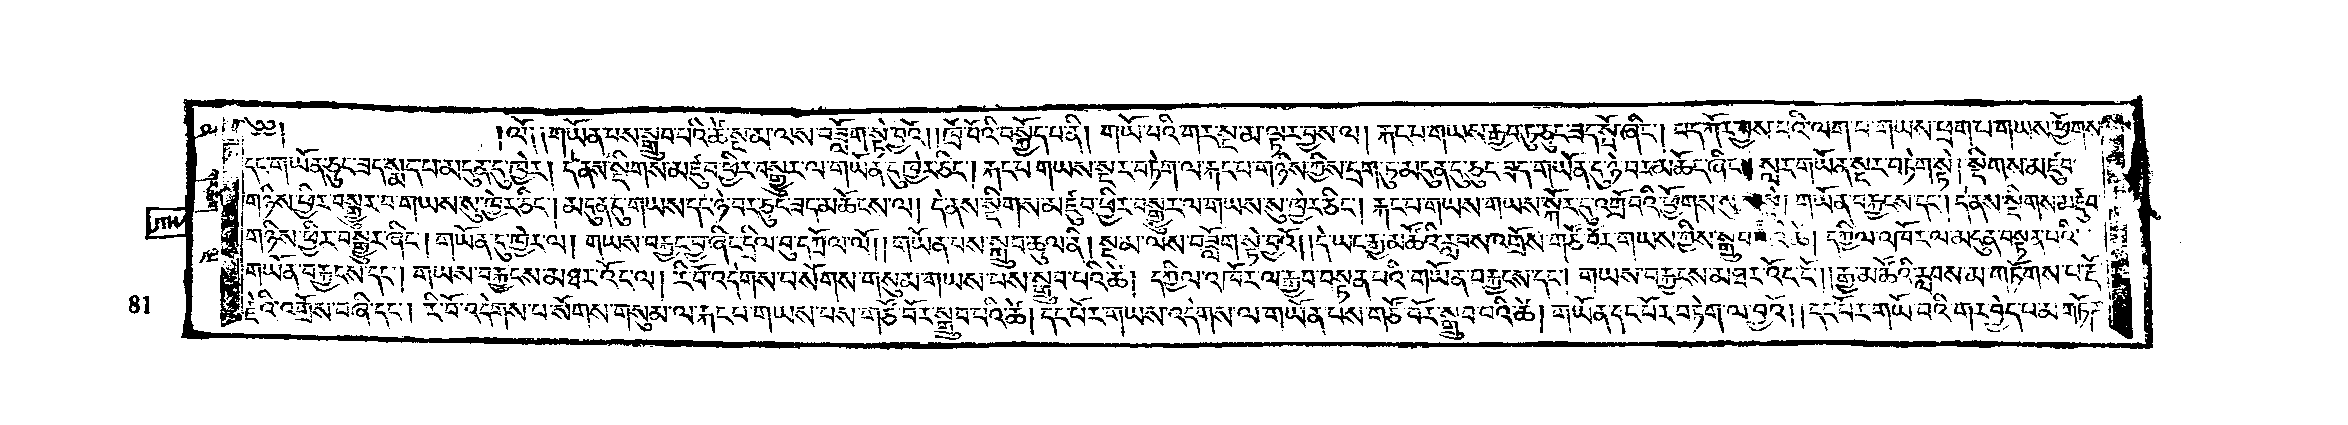༄༅། །ལོ། །གཡོན་པས་སྒྲུབ་པའི་ཚེ་སྔ་མ་ལས་བཟློག་སྟེ་བྱའོ། །ཁྲོ་བོའི་བསྐྱོད་པ་ནི། གཡོ་བའི་གར་སྔ་མ་ལྟར་བྱས་ལ། རྐང་པ་གཡས་རྒྱབ་ཏུ་ཅུང་ཟད་སྤོ་ཞིང་། པད་ཀོར་བྱས་པའི་ལག་པ་གཡས་ཕྲག་པ་གཡས་ཕྱོགས་
དང་གཡོན་ཅུང་ཟད་སྨད་པ་མདུན་དུ་ཁྱེར། དེ་ནས་སྡིགས་མཛུབ་ཕྱིར་བསྒྱུར་ལ་གཡོན་དུ་ཁྱེར་ཅིང་། རྐང་པ་གཡས་སྔར་བཏེག་ལ་རྐང་པ་གཉིས་ཀྱིས་དྲག་ཏུ་མདུན་དུ་ཅུང་ཟད་གཡོན་དུ་ཉེ་བར་མཆོང་ཞིང་། སླར་གཡོན་སྔར་བཏེག་སྟེ། སྡིགས་མཛུབ་
གཉིས་ཕྱིར་བསྒྱུར་བ་གཡས་སུ་ཁྱེར་ཅིང་། མདུན་དུ་གཡས་དང་ཉེ་བར་ཅུང་ཟད་མཆོངས་ལ། དེ་ནས་སྡིགས་མཛུབ་ཕྱིར་བསྒྱུར་ལ་གཡས་སུ་ཁྱེར་ཅིང་། རྐང་པ་གཡས་གཡས་སྐོར་དུ་འགྲོ་བའི་ཕྱོགས་སུ་སྤོ་སྟེ། གཡོན་བརྐྱངས་དང་། དེ་ནས་སྡིགས་མཛུབ་
གཉིས་ཕྱིར་བསྒྱུར་ཞིང་། གཡོན་དུ་ཁྱེར་ལ། གཡས་བརྐྱང་བྱ་ཞིང་དྲིལ་བུ་དཀྲོལ་ལོ། །གཡོན་པས་སྒྲུབ་ཚུལ་ནི། སྔ་མ་ལས་བཟློག་སྟེ་བྱའོ། །དེ་ཡང་རྒྱ་མཚོའི་རླབས་འགྲོས་གཙོ་བོར་གཡས་ཀྱིས་སྒྲུབ་པའི་ཚེ། དཀྱིལ་འཁོར་ལ་མདུན་བསྟན་པའི་
གཡོན་བརྐྱངས་དང་། གཡས་བརྐྱངས་མཐར་འོང་ལ། རི་བོ་འདེགས་པ་སོགས་གསུམ་གཡས་པས་སྒྲུབ་པའི་ཚེ། དཀྱིལ་འཁོར་ལ་རྒྱབ་བསྟན་པའི་གཡོན་བརྐྱངས་དང་། གཡས་བརྐྱངས་མཐར་འོང་ངོ། །རྒྱ་མཚོའི་རླབས་མ་གཏོགས་པ་རྡོ་
རྗེའི་འགྲོས་བཞི་དང་། རི་བོ་འདེགས་པ་སོགས་གསུམ་ལ་རྐང་པ་གཡས་པས་གཙོ་བོར་སྒྲུབ་པའི་ཚེ། དང་པོར་གཡས་འདེགས་ལ་གཡོན་པས་གཙོ་བོར་སྒྲུབ་པའི་ཚེ། གཡོན་དང་པོར་བཏེག་ལ་བྱའོ། །དང་པོར་གཡོ་བའི་གར་བྱེད་པ་མ་གཏོགས་